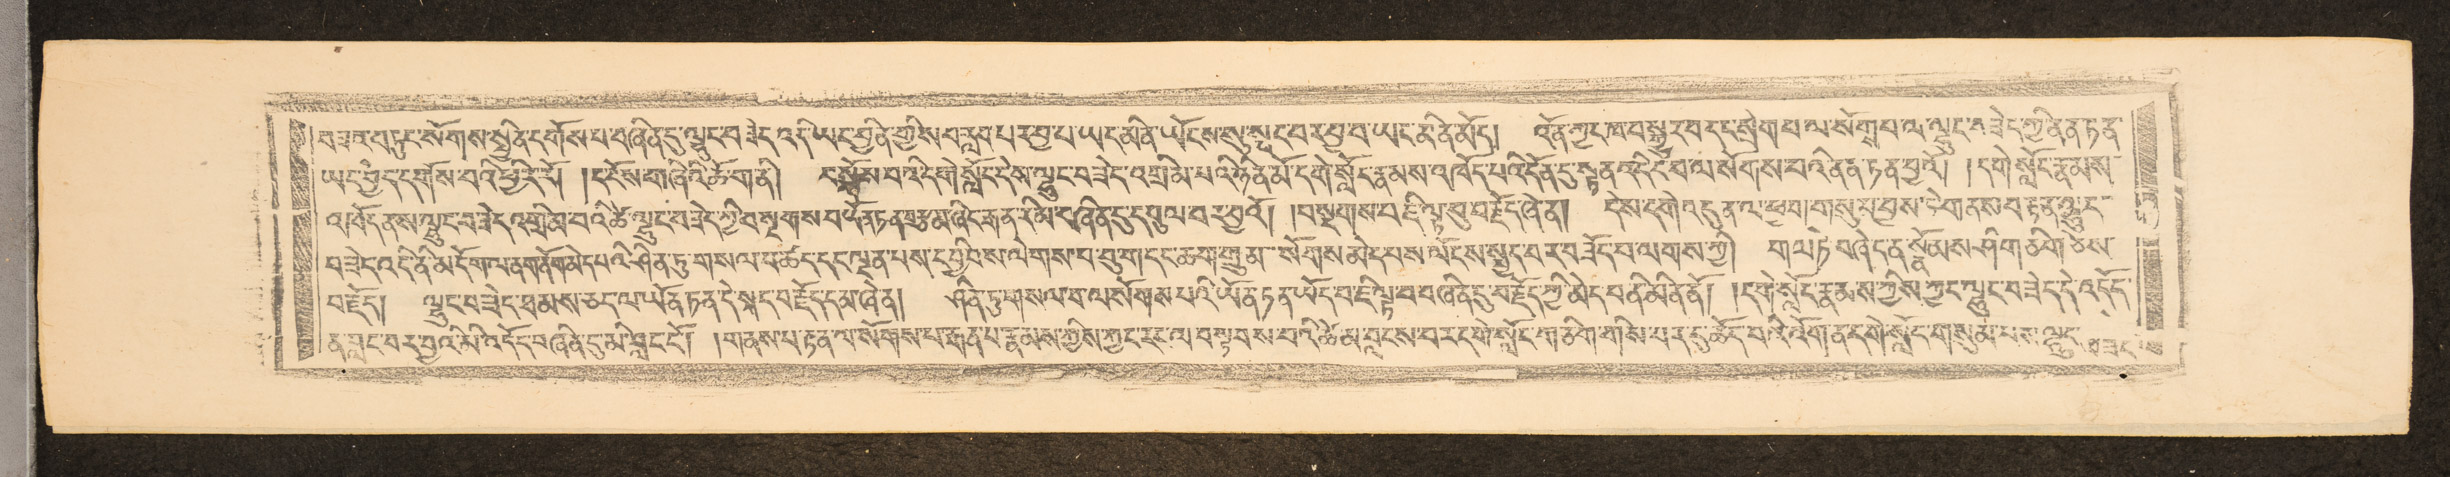བཟའ་བཏུང་སོགས་སྦྱིན་དགོས་པ་བཞིན་དུ་ལྷུང་བཟེད་འདི་ཡང་བྱིན་གྱིས་བརླབ་པར་བྱ་བ་ཡང་མན་ཡོངས་སུ་སྤང་བར་བྱ་བ་ཡང་མིན་ནོ། འོན་ཀྱང་ཁ་བསྒྱུར་བ་དང་སྲེག་པ་ལ་སོགས་པ་ལ་ལྷུང་བཟེད་ཀྱི་ནན་ཏན་
ཡང་བྱེད་དགོས་པའི་ཕྱིར་རོ། །དངོས་གཞིའི་ཆོ་ག་ནི། བསྐོས་པའི་དགེ་སློང་དེས་ལྷུང་བཟེད་འགྲིམ་པའི་ཉིན་མོ་དགེ་སློང་རྣམས་འཁོད་པའི་དོན་དུ་སྟན་འདིད་པ་ལ་སོགས་པའི་ནན་ཏན་བྱའོ། །དགེ་སློང་རྣམས་
འཁོད་ནས་ལྷུང་བཟེད་འགྲིམ་པའི་ཚེ་ལྷུང་བཟེད་ཀྱི་བསྔགས་པ་ཡོན་ཏན་བརྩམ་ཞིང་རྒན་རིམ་བཞིན་དུ་དབུལ་བར་བྱའོ། །བསྔགས་པ་ཇི་ལྟ་བུ་བརྗོད་ཞེ་ན། དེས་དགེ་འདུན་ལ་ཕྱག་གསུམ་བྱས་ཏེ་གནས་བརྟན་ལྷུང་
བཟེད་འདི་ནི་མདོག་ལ་ནག་ནོག་མེད་པའི་ཤིན་ཏུ་གསལ་བ་ཚད་དང་ལྡན་པས་དབྱིབས་ལེགས་པ་བུ་ག་དང་ཆག་གྲུབ་སོགས་མེད་པས་ལོངས་སྤྱོད་པར་བཟོད་པ་ལགས་ཀྱི། གལ་ཏེ་བཞེད་ན་སྣོམས་ཤིག་ཅིག་ཅེས་
བརྗོད། ལྷུང་བཟེད་ཐམས་ཅད་ལ་ཡོན་ཏན་དེ་སྐད་བརྗོད་དམ་ཞེ་ན། ཤིན་ཏུ་གསལ་བ་ལ་སོགས་པའི་ཡོན་ཏན་ཡོད་པ་ཇི་ལྟ་བ་བཞིན་དུ་བརྗོད་ཀྱི་མེད་པ་ནི་མིན་ནོ། །དགེ་སློང་རྣམས་ཀྱིས་ཀྱང་ལྷུང་བཟེད་དེ་འདོད་
ན་བླང་བར་བྱའི་མི་འདོད་བཞིན་དུ་མི་བླང་ངོ། །གནས་བརྟན་ལ་སོགས་པ་རྒན་པ་རྣམས་ཀྱིས་ཀྱང་རང་ལ་བསྟབས་པའི་ཚེམ་བླངས་པར་དགེ་སློང་གཅིག་གིས་བར་དུ་ཆོད་པའི་འོག་ན་དགེ་སློང་གསུམ་པས་ལྷུང་བཟེད་